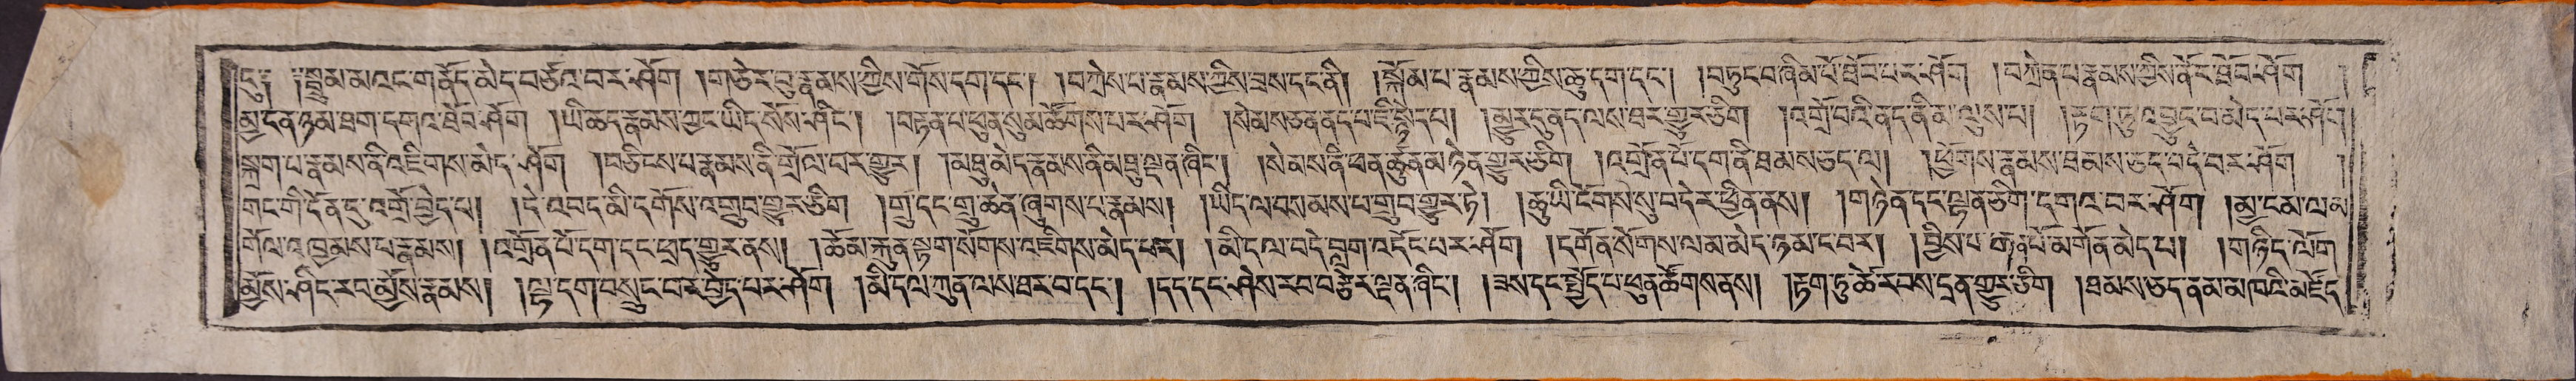དུ༑ ༑སྦྲུམ་མའང་གནོད་མེད་བཙའ་བར་ཤོག །གཅེར་བུ་རྣམས་ཀྱིས་གོས་དག་དང་། །བཀྲེས་པ་རྣམས་ཀྱིས་ཟས་དང་ནི། །སྐོམ་པ་རྣམས་ཀྱིས་ཆུ་དག་དང་། །བཏུང་བ་ཞིམ་པོ་ཐོབ་པར་ཤོག །བཀྲེན་པ་རྣམས་ཀྱིས་ནོར་ཐོབ་ཤོག་
མྱ་ངན་ཉམ་ཐག་དགའ་ཐོབ་ཤོག །ཡི་ཆད་རྣམས་ཀྱང་ཡིད་སོས་ཤིང་། །བརྟན་པ་ཕུན་སུམ་ཚོགས་པར་ཤོག །སེམས་ཅན་ནད་པ་ཇི་སྙེད་པ། །མྱུར་དུ་ནད་ལས་ཐར་གྱུར་ཅིག །འགྲོ་བའི་ནད་ནི་མ་ལུས་པ། །རྟག་ཏུ་འབྱུང་བ་མེད་པར་ཤོག་
སྐྲག་པ་རྣམས་ནི་འཇིགས་མེད་ཤོག །བཅིངས་པ་རྣམས་ནི་གྲོལ་བར་གྱུར། །མཐུ་མེད་རྣམས་ནི་མཐུ་ལྡན་ཞིང་། །སེམས་ནི་ཕན་ཚུན་མཉེན་གྱུར་ཅིག །འགྲོན་པོ་དག་ནི་ཐམས་ཅད་ལ། །ཕྱོགས་རྣམས་ཐམས་ཅད་བདེ་བར་ཤོག །
གང་གི་དོན་དུ་འགྲོ་བྱེད་པ། །དེ་འབད་མི་དགོས་འགྲུབ་གྱུར་ཅིག །གྲུ་དང་གྲུ་ཆེན་ཞུགས་པ་རྣམས། །ཡིད་ལ་བསམས་པ་གྲུབ་གྱུར་ཏེ། །ཆུ་ཡི་ངོགས་སུ་བདེར་ཕྱིན་ནས། །གཉེན་དང་ལྷན་ཅིག་དགའ་བར་ཤོག །མྱ་ངམ་ལམ་
གོལ་འཁྱམས་པ་རྣམས། །འགྲོན་པོ་དག་དང་ཕྲད་གྱུར་ནས། །ཆོམ་རྐུན་སྟག་སོགས་འཇིགས་མེད་པར། །མི་ངལ་བདེ་བླག་འདོང་བར་ཤོག །དགོན་སོགས་ལམ་མེད་ཉམ་ང་བར། །བྱིས་པ་རྒན་པོ་མགོན་མེད་པ། །གཉིད་ལོག་
མྱོས་ཤིང་རབ་མྱོས་རྣམས། །ལྷ་དག་བསྲུང་བར་བྱེད་པར་ཤོག །མི་དལ་ཀུན་ལས་ཐར་བ་དང་། །དད་དང་ཤེས་རབ་བརྩིར་ལྡན་ཞིང་། །ཟས་དང་སྤྱོད་པ་ཕུན་ཚོགས་ནས། །རྟག་ཏུ་ཚེ་རབས་དྲན་གྱུར་ཅིག །ཐམས་ཅད་ནམ་མཁའི་མཛོད་